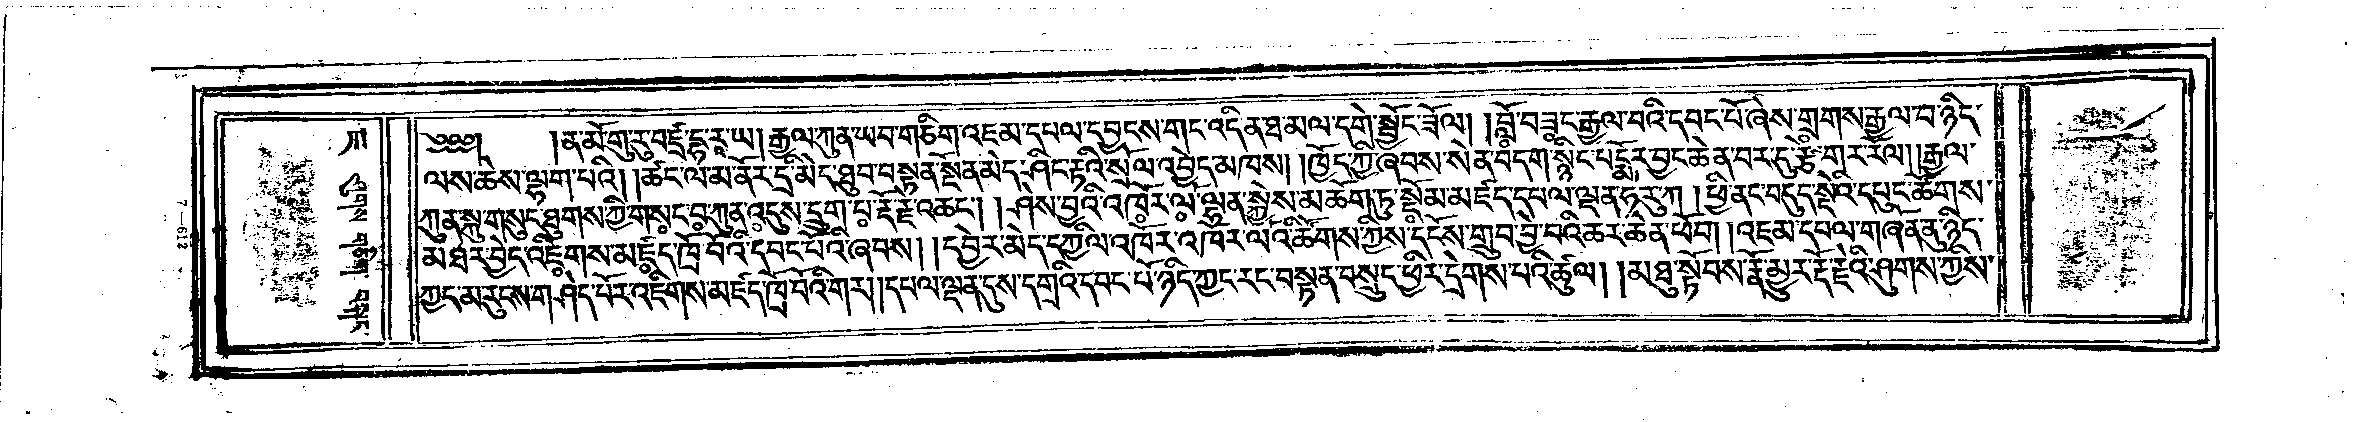༄༅༅། །ན་མོ་གུ་རུ་བཛྲ་དྷ་རཱ་ཡ། རྒྱལ་ཀུན་ཡབ་གཅིག་འཇམ་དཔལ་དབྱངས་གང་འདི་ན་ཐ་མལ་དགེ་སྦྱོང་ཟོལ། །བློ་བཟང་རྒྱལ་བའི་དབང་པོ་ཞེས་གྲགས་རྒྱལ་པ་ཉིད་
ལས་ཆེས་ལྷག་པའི། །ཚང་ལ་མ་ནོར་དྲི་མེད་ཐུབ་བསྟན་སྔོན་མེད་ཤིང་རྟའི་སྲོལ་འབྱེད་མཁས། །ཁྱོད་ཀྱི་ཞབས་སེན་བདག་སྙིང་པདམོར་བྱང་ཆེན་བར་དུ་རྩེཾ་གར་རོལ། །རྒྱལ་
ཀུན་སྐུ་གསུང་ཐུགས་ཀྱི་གསང྾་བ྾་ཀུན྾་འདུས྾་དྲག྾་པ྾་རྡོ་རྗེ་འཆང་། །ཤེས་བྱའི་འཁོར྾་ལོ྾་ལྷན་སྐྱེས་མཆོག་ཏུ་སྡོམས་མཛད་དཔལ་ལྡན་ཧེ་རུ་ཀ། ཕྱི་ནང་བདུད་སྡེའི་དཔུང་ཚོགས་
མཐར་བྱེད་འཇིགས྾་མཛད྾་ཁྲོ་བོའི་དབང་པོའི་ཞབས། །དབྱེར་མེད་དཀྱིལ་འཁོར་འཁོར་ལོའི་ཚོགས་ཀྱིས་དངོས་གྲུབ་བྱེ་བའི་ཆར་ཆེན་ཕོབ། །འཇམ་དཔལ་གཞོན་ནུ་ཉིད་
ཀྱང་མ་རུངས་གཤེད་པོར་འཇིགས་མཛད་ཁྲོ་བོའི་གར། །དཔལ་ལྡན་དུས་དགྲའི་དབང་པོ་ཉིད་ཀྱང་རང་བསྟན་བསྲུང་ཕྱིར་དྲེགས་པའི་ཚུལ། །མཐུ་སྟོབས་རྣོ་མྱུར་རྡོ་རྗེའི་ཤུགས་ཀྱིས་